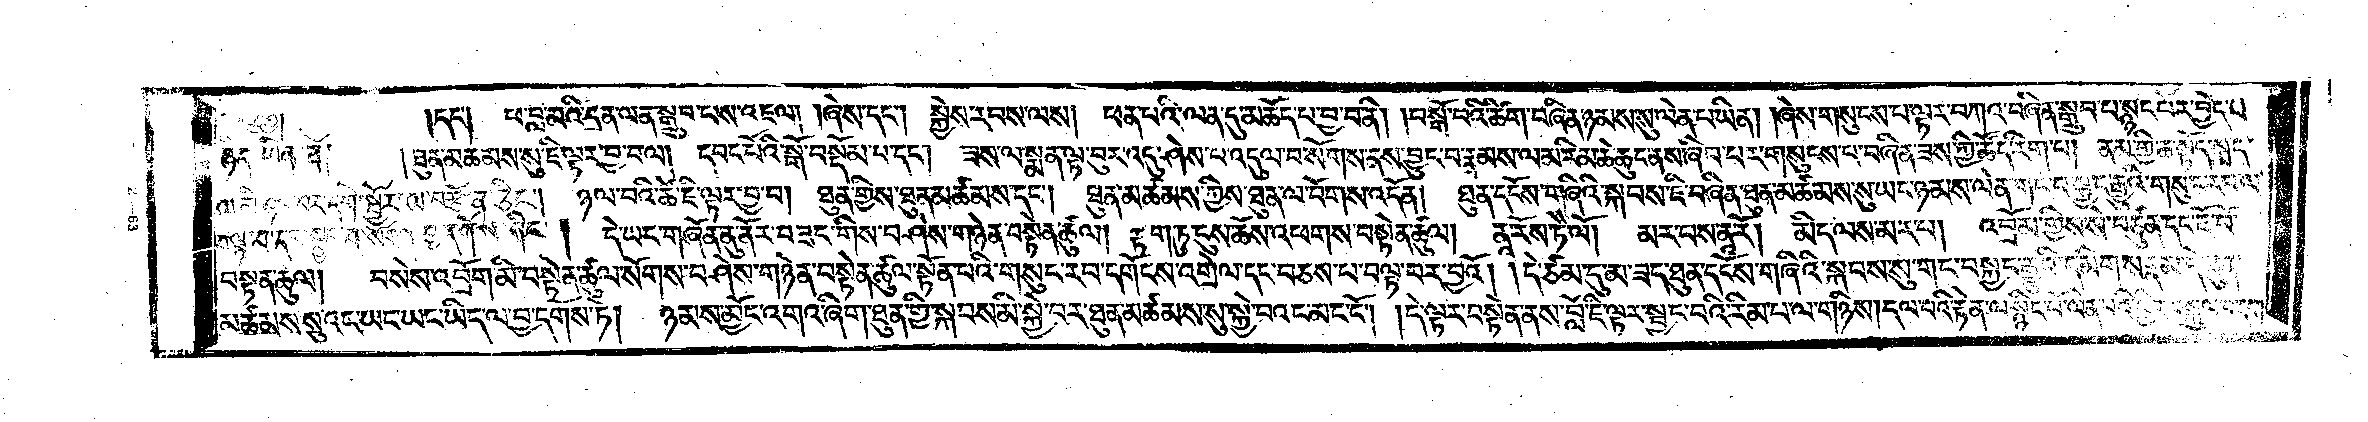༄༅། །དང་། ཕ་བླ་མའི་དྲན་ལན་སྒྲུབ་པས་འཇལ། །ཞེས་དང་། སྐྱེས་རབས་ལས། ཕན་པའི་ལན་དུ་མཆོད་པ་བྱ་བ་ནི། །བསྒོ་བའི་ཚིག་བཞིན་ཉམས་སུ་ལེན་པ་ཡིན། །ཞེས་གསུངས་པ་ལྟར་བཀའ་བཞིན་སྒྲུབ་པ་སྙིང་པོར་བྱེད་པ་
ཉིད་ཡིན་ནོ། །ཐུན་མཆམས་སུ་ཇི་ལྟར་བྱ་བ་ལ། དབང་པོའི་སྒོ་བསྡོམ་པ་དང་། ཟས་ལ་སྨན་ལྟ་བུར་འདུ་ཤེས་པ་འདུལ་བ་སོགས་ནས་བྱུང་བ་རྣམས་ལམ་རིམ་ཆེ་ཆུང་ནས་ཞིབ་པར་གསུངས་པ་བཞིན་ཟས་ཀྱི་ཚོད་རིག་པ། ནམ་གྱི་ཆ་སྟོད་སྨད་
ལ་མི་ཉལ་བར་དགེ་སྦྱོར་ལ་བརྩོན་ཅིང་། ཉལ་བའི་ཚེ་ཇི་ལྟར་བྱ་བ། ཐུན་གྱིས་ཐུན་མཚམས་དང་། ཐུན་མཚམས་ཀྱིས་ཐུན་ལ་བོགས་འདོན། ཐུན་དངོས་གཞིའི་སྐབས་ཇི་བཞིན་ཐུན་མཚམས་སུ་ཡང་ཉམས་ལེན་གང་བསྐྱང་རྒྱུའི་གསུང་རབ་ལ་
བལྟ་བ་དང་སྦྱང་བ་སོགས་བྱ་དགོས་ཞིང་། དེ་ཡང་གཞོན་ནུ་ནོར་བཟང་གིས་བཤེས་གཉེན་བསྟེན་ཚུལ། རྟག་ཏུ་དུས་ཆོས་འཕགས་བསྟེན་ཚུལ། ནཱ་རོས་ཏཻ་ལོ། མར་བས་ནཱ་རོ། མིད་ལས་མ་ར་པ། འབྲོམ་གྱིས་སེ་བཙུན་དང་ཇོ་བོ་
བསྟན་ཚུལ། བསེས་འབྲོག་མི་བསྟེན་ཚུལ་སོགས་བཤེས་གཉེན་བསྟེན་ཚུལ་སྟོན་པའི་གསུང་རབ་དགོངས་འགྲེལ་དང་བཅས་པ་བལྟ་བར་བྱའོ། །དེ་ཙམ་དུ་མ་ཟད་ཐུན་དངོས་གཞིའི་སྐབས་སུ་གང་བསྐྱང་རྒྱུའི་དམིགས་རྣམ་དེ་ཐུན་
མཚམས་སུའང་ཡང་ཡང་ཡིད་ལ་བྱ་དགོས་ཏེ། ཉམས་མྱོང་འགའ་ཞིག་ཐུན་གྱི་སྐབས་མི་སྐྱེ་བར་ཐུན་མཚམས་སུ་སྐྱེ་བའང་མང་ངོ། །དེ་ལྟར་བསྟེན་ནས་བློ་ཇི་ལྟར་སྦྱང་བའི་རིམ་པ་ལ་གཉིས། དལ་བའི་རྟེན་ལ་སྙིང་པོ་ལེན་པའི་ཕྱིར་བསྐུལ་བ་དང་